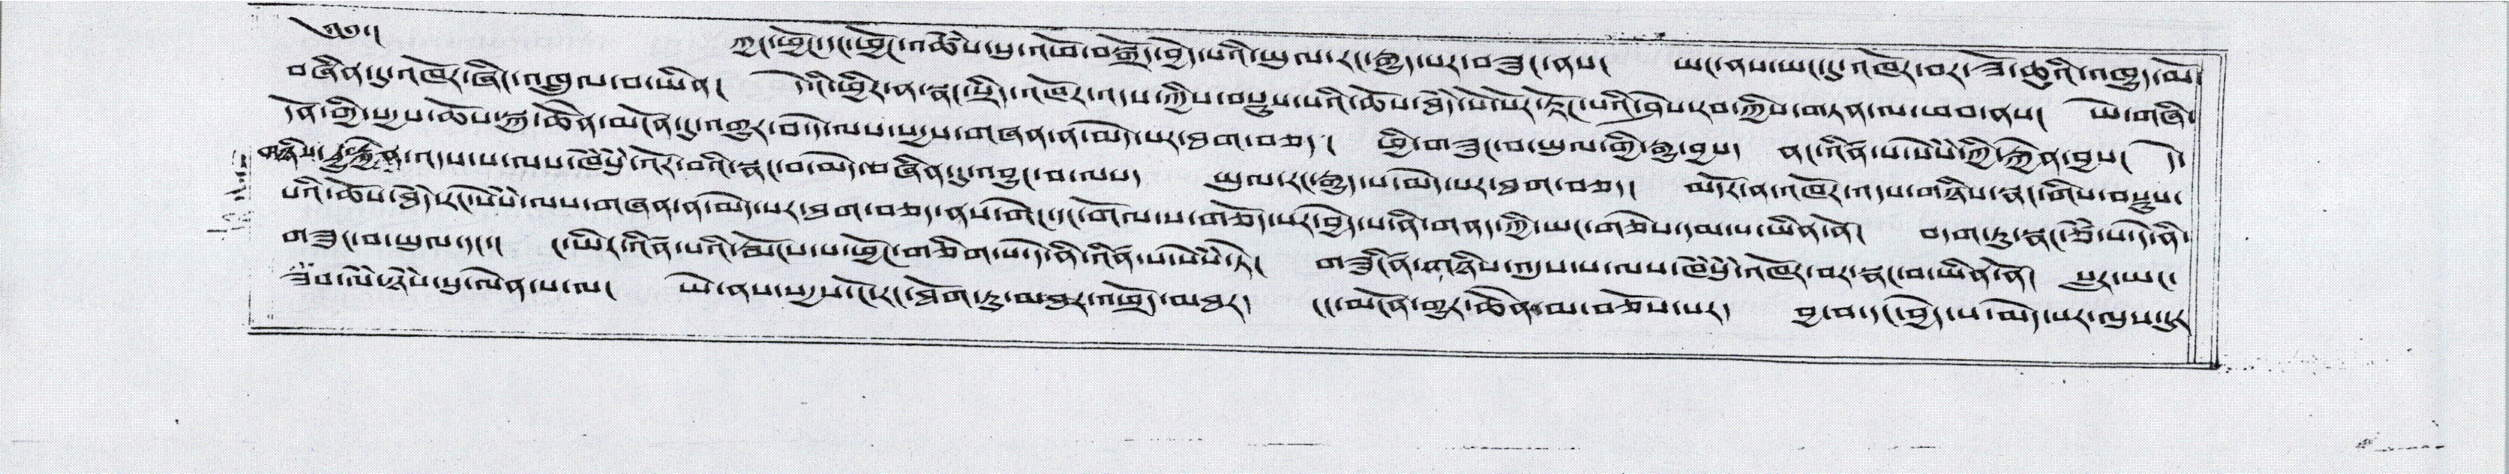ཀྱང་ཕྱོགས་དང་ཕྱོགས་མཚམས་སུ་འཕོ་བསྒྲོད་བྱེད་པའི་ཡུལ་རང་རྒྱུད་པར་བཟུང་ནས། ཡང་ནས་ཡང་དུ་འཁོར་བར་ཟོ་ཆུའི་འཁྱུད་མོ་
བཞིན་དུ་འཁོར་ཞིང་འཁྲུལ་བ་ཡིན། དེའི་ཕྱིར་སྣོད་བཅུད་འཁོར་འདས་ཀྱིས་བསྡུས་པའི་ཆོས་ཐམས་ཅད་སོ་སོར་རྟོགས་པའི་ཤེས་རབ་ཀྱིས་གཏན་ལ་ཕབ་ནས། ཡེ་གཞི་
དོན་གྱི་སངས་རྒྱས་ཆོས་སྐུ་ཆེན་པོ་མངོན་དུ་འགྱུར་བ་དེ་ལས་སངས་རྒྱས་གཞན་ན་མེད་པར་ཐག་བཅད། ཕྱི་གཟུང་བ་ཡུལ་གྱི་རྒྱུ་བྱས། ནང་འཛིན་པ་སེམས་ཀྱི་རྐྱེན་བྱས། དེ་
གཉིས་རྒྱུ་རྐྱེན་འདུས་པ་ལས་ཁམས་གསུམ་འཁོར་བའི་སྣང་བ་མེད་བཞིན་དུ་འབྱུང་བ་ལས། ཡུལ་རང་རྒྱུད་པ་མེད་པར་ཐག་བཅད། འཁོར་འདས་གཉིས་སྣང་གིས་བསྡུས་
པའི་ཆོས་་ཐམས་ཅད་རང་སེམས་ལས་གཞན་ན་མེད་པར་ཐག་བཅད་ནས་གེགས་དང་གོལ་ས་གཅོད་པར་བྱེད་པ་ནི་གནད་ཀྱི་ཡང་གཅེས་དམ་པ་ཡིན་ནོ། བདག་ཏུ་སྣང་ཙམ་པ་དེ་ནི་
གཟུང་བ་ཡུལ་དང་། ང་ཡིར་འཛིན་པའི་ཕྱོགས་གཅིག་པ་དེ་ནི་འཛིན་པ་སེམས་ཏེ། གཟུང་འཛིན་གཉིས་འདུས་པ་ལས་ཁམས་གསུམ་འཁོར་བར་སྣང་བ་ཡིན་ནོ། སླར་ཡང་
ཟབ་ལམ་ཉམས་སུ་ལེན་པ་ལ། ཡེ་ནས་སངས་རྒྱས་ངོ་རང་ཐོག་ཏུ་འཕྲོད་མཐར། ངང་མངོན་གྱུར་ཆེན་པོ་མ་བཅོས་པར། བྱ་བ་དང་བྱེད་པ་མེད་པར་ལུས་དུར་